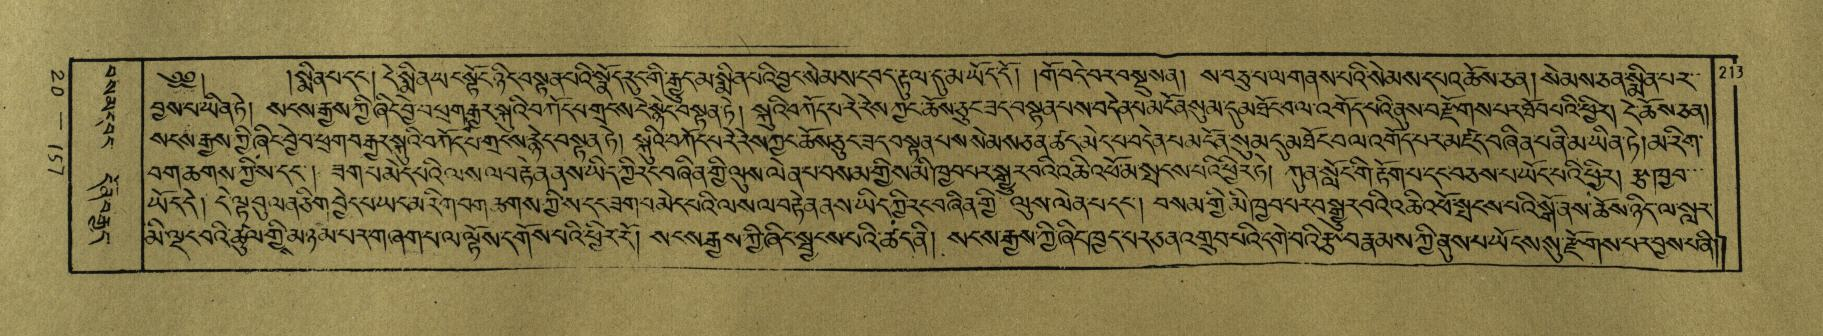༄༅། །སྨིན་པ་དང་། དེ་སྨིན་ཡང་སྟོང་ཉིད་བསྟན་པའི་སྣོད་རུང་གི་རྒྱུད་མ་སྨིན་པའི་བྱང་སེམས་དབང་རྟུལ་དུ་མ་ཡོད་དོ། །གོ་བདེ་བར་བསྡུས་ན། ས་བཅུ་པ་ལ་གནས་པའི་སེམས་དཔའ་ཆོས་ཅན། སེམས་ཅན་སྨིན་པར་
བྱས་པ་ཡིན་ཏེ། སངས་རྒྱས་ཀྱི་ཞིང་བྱེ་བ་ཕྲག་རྒྱར་སྐུའི་བཀོད་པ་གྲངས་ངེ་སྙེང་བསྟན་ཏེ། སྐུའི་བཀོད་པ་རེ་རེས་ཀྱང་ཆོས་ཅུང་ཟད་བསྟན་པས་བདེན་པ་མངོན་སུམ་དུ་མཐོང་བ་ལ་འགོད་པའི་ནུས་བརྫོགས་པར་ཐོབ་པའི་ཕྱིར། དེ་ཆོས་ཅན།
སངས་རྒྱས་ཀྱི་ཞིང་བྱེ་བ་ཕྲག་བརྒྱར་སྐུའི་བཀོད་པ་གྲངས་རྙེད་བསྟན་ཏེ། སྐུའི་བཀོད་པ་རེ་རེས་ཀྱང་ཆོས་ཅུང་ཟད་བསྟན་པས་སེམས་ཅན་ཚད་མེད་པ་བདེན་པ་མངོན་སུམ་དུ་མཐོང་བ་ལ་འགོད་པར་མཛད་བཞིན་པ་ནི་མ་ཡིན་ཏེ། མ་རིག་
བག་ཆགས་ཀྱིས་དང་། ཟག་པ་མེད་པའི་ལས་ལ་བརྟེན་ནས་ཡིད་ཀྱི་རང་བཞིན་གྱི་ལུས་ལེན་པ་བསམ་གྱིས་མི་ཁྱབ་པར་སྒྱུར་བའི་འཆི་འཕོ་མ་སྤངས་པའི་ཕྱིར་ཏེ། ཀུན་སློང་གི་རྟོག་པ་དང་བཅས་པ་ཡོད་པའི་ཕྱིར། རྩ་ཁྱབ་
ཡོད་དེ། དེ་ལྟ་བུ་ལན་ཅིག་བྱེད་པ་ཡང་མ་རིག་བག་ཆགས་ཀྱི་ས་དང་ཟག་པ་མེད་པའི་ལས་ལ་བརྟེན་ནས་ཡིད་ཀྱི་རང་བཞིན་གྱི་ལུས་ལེན་པ་དང་། བསམ་གྱི་མི་ཁྱབ་པར་བསྒྱུར་བའི་འཆི་འཕོ་སྤངས་པའི་སྒོ་ནས་ཆོས་ཉིད་ལ་སླར་
མི་ལྡང་བའི་ཚུལ་གྱིས་མཉམ་པར་གཞག་པ་ལ་ལྟོས་དགོས་པའི་ཕྱིར་རོ། །སངས་རྒྱས་ཀྱི་ཞིང་སྦྱངས་པའི་ཚད་ནི། སངས་རྒྱས་ཀྱི་ཞིང་ཁྱད་པར་ཅན་འགྲུབ་པའི་དགེ་བའི་རྩ་བ་རྣམས་ཀྱི་ནུས་པ་ཡོངས་སུ་རྫོགས་པར་བྱས་པ་ནི་།